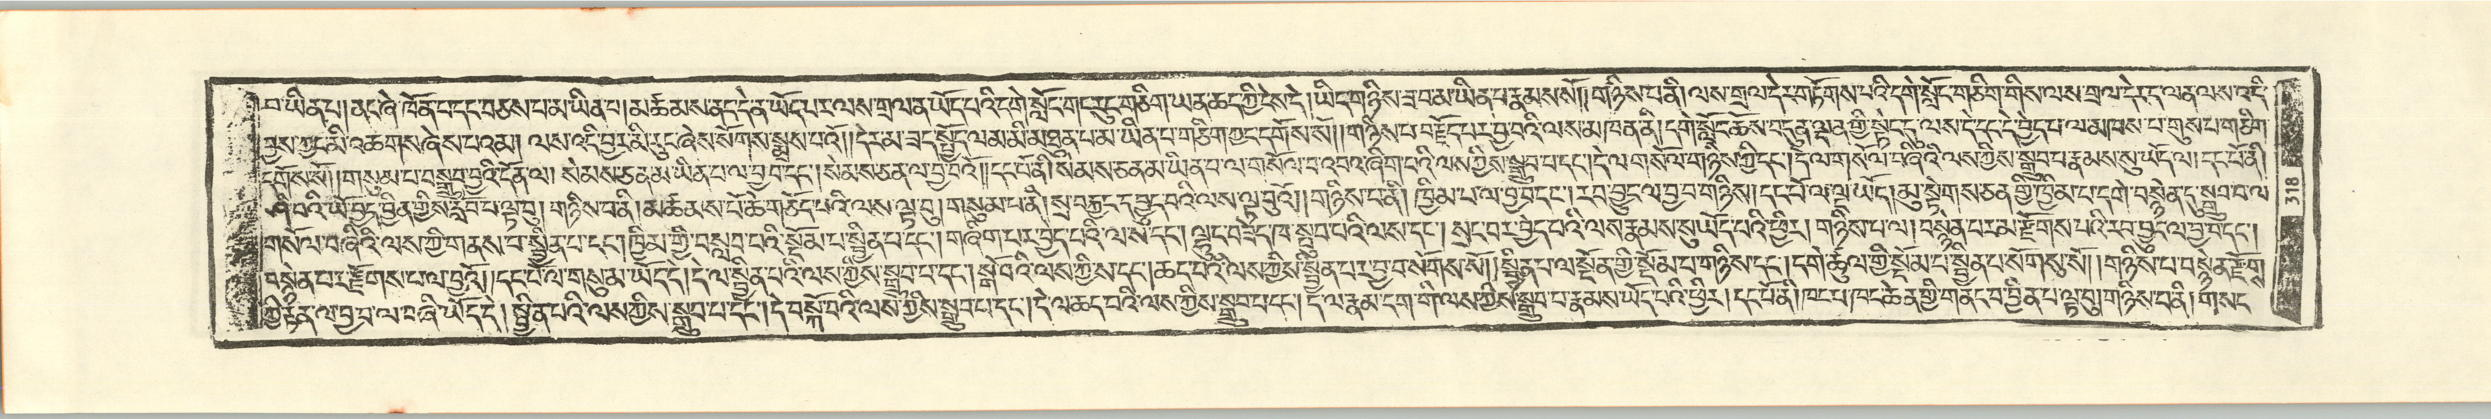བ་ཡིན་པ། ནང་ཞེ་ཁོན་པ་དང་བཅས་པ་མ་ཡིན་པ། མཚམས་ནང་དེ་ན་ཡོད་པར་ལས་གྲལ་ན་ཡོད་པའི་དགེ་སློང་གང་རུང་གཅིག་ཡན་ཆད་ཀྱི་ངེས་དེ། ཡིད་གཉིས་ཟ་བ་མ་ཡིན་པ་རྣམས་སོ། །གཉིས་པ་ནི། ལས་གྲལ་དེར་གཏོགས་པའི་དགེ་སློང་གཅིག་གིས་ལས་གྲལ་དེར་ད་ལན་ལས་འདི་
བྱས་ཀྱང་མི་འཆགས་ཞེས་པའམ། ལས་འདི་བྱར་མི་རུང་ཞེས་སོགས་སྨྲས་པའོ། །དེར་མ་ཟད་སྤྱོད་ལམ་མི་མཐུན་པ་མ་ཡིན་པ་གཅིག་ཀྱང་དགོས་སོ། །གཉིས་པ་བརྗོད་པར་བྱ་བའི་ལས་མཁན་ནི། དགེ་སློང་ཆོས་བདུན་ལྡན་གྱི་སྟེང་དུ་ལས་དེ་དང་དེ་བྱེད་པ་ལ་མཁས་པ་གཅིག་
དགོས་སོ། །གསུམ་པ་བསྒྲུབ་བྱའི་དོན་ལ། སེམས་ཅན་མ་ཡིན་པ་ལ་བྱ་བ་དང་། སེམས་ཅན་ལ་བྱ་བའོ། །དང་པོ་ནི། སེམས་ཅན་མ་ཡིན་པ་ལ་གསོལ་བ་འབའ་ཞིག་པའི་ལས་ཀྱིས་སྒྲུབ་པ་དང་། དེ་ལ་གསོལ་གཉིས་ཀྱི་དང་། དེ་ལ་གསོལ་བཞིའི་ལས་ཀྱིས་སྒྲུབ་པ་རྣམས་སུ་ཡོད་ལ། དང་པོ་ནི།
ཤི་བའི་ཡོ་བྱད་བྱིན་གྱིས་རློབ་པ་ལྟ་བུ། གཉིས་པ་ནི། མཚམས་པོ་ཆེ་གཅོད་པའི་ལས་ལྟ་བུ། གསུམ་པ་ནི། སྲ་བརྐྱང་དབྱུང་བའི་ལས་ལྟ་བུའོ། །གཉིས་པ་ནི། ཁྱིམ་པ་ལ་བྱ་བ་དང་། རབ་བྱུང་ལ་བྱ་བ་གཉིས། དང་པོ་ལ་ལྔ་ཡོད། མུ་སྟེགས་ཅན་གྱི་ཁྱིམ་པ་དགེ་བསྙེན་དུ་སྒྲུབ་བ་ལ་
གསོལ་བཞིའི་ལས་ཀྱི་གནས་པ་སྦྱིན་པ་དང་། ཁྱིམ་གྱི་བསླབ་པའི་སྡོམ་པ་སྦྱིན་པ་དང་། གཞིག་པར་བྱེད་པའི་ལས་དང་། ལྷུང་བཟེད་ཁ་སྦུབ་པའི་ལས་དང་། སྲང་བར་བྱེད་པའི་ལས་རྣམས་སུ་ཡོད་པའི་ཕྱིར། གཉིས་པ་ལ། བསྙེན་པར་མ་རྫོགས་པའི་རབ་བྱུང་ལ་བྱ་བ་དང་།
བསྙེན་པར་རྫོགས་པ་ལ་བྱའོ། །དང་པོ་ལ་གསུམ་ཡོད་དེ། དེ་ལ་སྦྱིན་པའི་ལས་ཀྱིས་སྒྲུབ་པ་དང་། སྒོ་བའི་ལས་ཀྱི་ས་དང་། ཆད་པའི་ལས་ཀྱིས་སྦྱིན་པར་བྱ་བ་སོགས་སོ། །སྦྱིན་པ་ལ་སྔོན་གྱི་སྡོམ་པ་གཉིས་དང་། དགེ་ཚུལ་གྱི་སྡོམ་པ་སྦྱིན་པ་སོགས་སུ་སོ། །གཉིས་པ་བསྙེན་རྫོགས་
ཀྱི་རྟེན་ལ་བྱ་བ་ལ་བཞི་ཡོད་དེ། སྦྱིན་པའི་ལས་ཀྱིས་སྒྲུབ་པ་དང་། དེ་བསྐོ་བའི་ལས་ཀྱིས་སྒྲུབ་པ་དང་། དེ་ལ་ཆད་བའི་ལས་ཀྱིས་སྒྲུབ་པ་དང་། དེ་ལ་རྣམ་དག་གི་ལས་ཀྱིས་སྒྲུབ་པ་རྣམས་ཡོད་པའི་ཕྱིར། དང་པོ་ནི། ཁང་པ་ཁང་ཆེན་གྱི་གནང་བ་བྱིན་པ་ལྟ་བུ། གཉིས་པ་ནི། གསང་